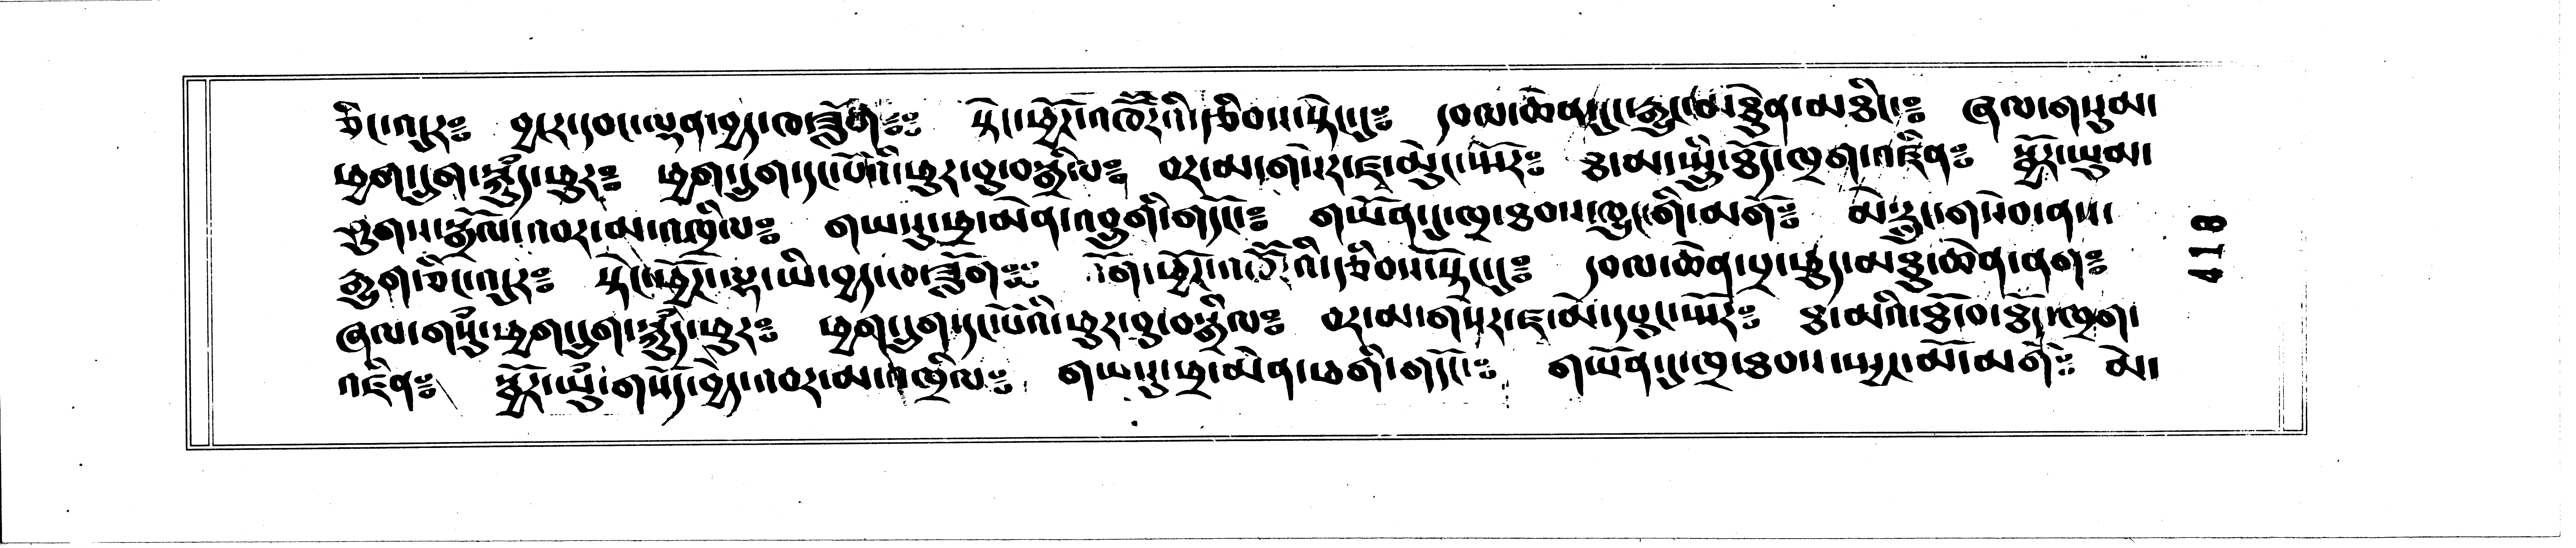ཅིང་འདུར༔བྱང་ཤར་དབང་ལྡན་བྱད་ཁ་ཟློག༔སྟེང་ཕྱོགས་འཁོར་ལོའི་རྩིབས་སྟེང་དུ༔དབལ་ཆེན་དུང་རྒྱུང་མཐུ་ཆེན་མཐིང་༔ཞལ་གསུམ་
ཕྱག་དྲུག་སྐུ་སྨད་ཕུར༔ཕྱག་དྲུག་དང་པོའི་ཕུར་བུ་བསྒྲིལ༔བར་མ་གསེར་ཛྭ་མེ་དཔུང་སྤོར༔ཐ་མ་སྤུ་གྲི་ཐོད་ཁྲག་འཛིན༔སྦྱོར་ཡུམ་
ཤུགས་སྒྲོལ་འབར་མ་འཁྲིལ༔གཡས་སུ་ཕྲ་མེན་འབྲུག་གི་གདོང་༔གཡོན་དུ་ཁྲ་ཐབས་ཁྱུང་གི་མགོ༔མེ་རླུང་གསེབ་ནས་
རྒྱུག་ཅིང་འདུར༔སྟེང་ཕྱོགས་ལྷ་ཡི་བྱད་ཁ་ཟློག༔འོག་ཕྱོགས་འཁོར་ལོའི་རྩིབས་སྟེང་དུ༔དབལ་ཆེན་པྲ་ཕུད་མཐུ་ཆེན་ནག༔
ཞལ་གསུམ་ཕྱག་དྲུག་སྐུ་སྨད་ཕུར༔ཕྱག་དྲུག་དང་པོའི་ཕུར་བུ་བསྒྲིལ༔བར་མ་གསེར་ཛྭ་མེ་དཔུང་སྤོར༔ཐ་མའི་ཐོ་བ་ཐོད་ཁྲག་
འཛིན༔སྦྱོར་ཡུམ་གསོད་བྱེད་འབར་མ་འཁྲིལ༔གཡས་སུ་ཕྲ་མེན་ཕག་གི་གདོང་༔གཡོན་དུ་ཁྲ་ཐབས་སྤྱང་མོ་མགོ༔མེ་